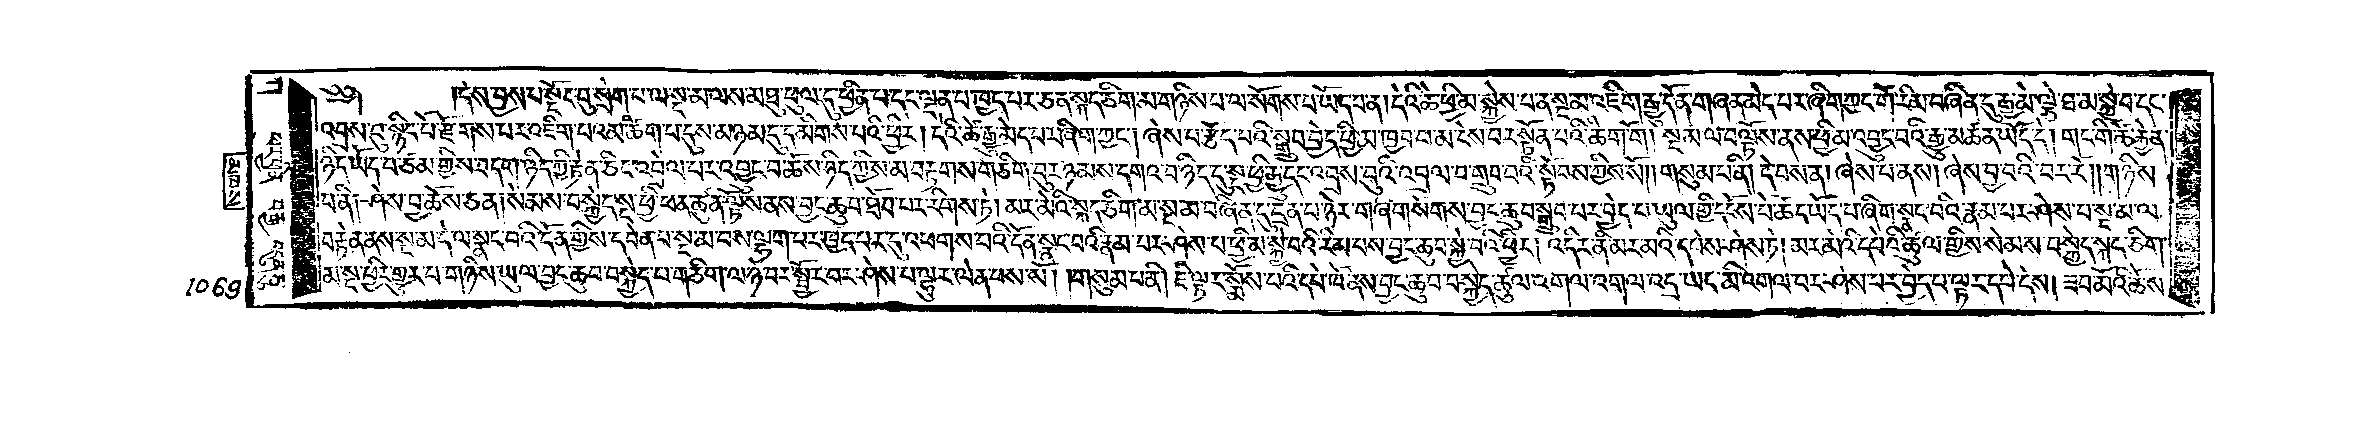༄༅། །དེས་བྱས་པ་སྔོང་བུ་སྲེག་པ་ལ་སྔ་མ་ལས་མཐུ་ཕུལ་དུ་ཕྱིན་པ་དང་ལྡན་པ་ཁྱད་པར་ཅན་སྐད་ཅིག་མ་གཉིས་པ་ལ་སོགས་པ་ཡོད་པ་ན། དེའི་ཚེ་ཕྱི་མ་སྐྱེས་པ་ན་སྔ་མ་འཇིག་རྒྱུ་དོན་གཞན་མེད་པར་ཞིག་ཀྱང་གོ་རིམ་བཞིན་དུ་རྒྱུ་མེ་ལྕེ་ཐ་མ་སྐྱེ་བ་དང་
འབྲས་བུ་སྙིང་པོ་རྫོགས་པར་འཇིག་པའམ་ཚིག་པ་དུས་མཉམ་དུ་དམིགས་པའི་ཕྱིར། དེའི་ཚེ་རྒྱུ་མེད་པར་ཞིག་ཀྱང་། ཞེས་པ་རྩོད་པའི་སྒྲུབ་བྱེད་ཕྱི་མ་ཁྱབ་པ་མ་ངེས་པར་སྟོན་པའི་ཚིག་གོ །སྔ་མ་ལ་བལྟོས་ནས་ཕྱི་མ་འབྱུང་བའི་རྒྱུ་མཚན་ཡོད་དེ། གང་གི་ཚེ་རྐྱེན་
ཉིད་ཡོད་པ་ཙམ་གྱིས་བདག་ཉིད་ཀྱི་རྟེན་ཅིང་འབྲེལ་བར་འབྱུང་བ་ཆོས་ཉིད་ཀྱིས་མ་བརྟགས་གཅིག་བུར་ཉམས་དགའ་བ་ཉིད་དུ་སྔ་ཕྱི་རྒྱུ་དང་འབྲས་བུའི་འབྲལ་བ་གྲུབ་པའི་སྟོབས་ཀྱིས་སོ། །གསུམ་པ་ནི། དེ་བས་ན། ཞེས་པ་ནས། ཞེས་བྱ་བའི་བར་རོ། །གཉིས་
པ་ནི། ཤེས་བྱ་ཆོས་ཅན། སེམས་བསྐྱེད་སྔ་ཕྱི་ཕན་ཚུན་ལྟོས་ནས་བྱང་ཆུབ་ཐོབ་པར་རིགས་ཏེ། མར་མེའི་སྐད་ཅིག་མ་སྔ་མ་བཞིན་དུ་དྲན་པ་ཉེར་གཞག་སོགས་བྱང་ཆུབ་སྒྲུབ་པར་བྱེད་པ་ཡུལ་གྱི་དངོས་པོ་ཚད་ཡོད་པ་ཞིག་སྣང་བའི་རྣམ་པར་ཤེས་པ་སྔ་མ་ལ་
བརྟེན་ནས་སྔ་མ་དེ་ལ་སྣང་བའི་དོན་གྱིས་དབེན་པ་སྔ་མ་བས་ལྷག་པར་ཁྱད་པར་དུ་འཕགས་པའི་དོན་སྣང་བའི་རྣམ་པར་ཤེས་པ་ཕྱི་མ་སྐྱེ་བའི་རིམ་པས་བྱང་ཆུབ་སྐྱེ་བའི་ཕྱིར། འདིར་ནི་མར་མའི་དཔེས་ཤེས་ཏེ། མར་མེའི་དཔེའི་ཚུལ་གྱིས་སེམས་བསྐྱེད་སྐད་ཅིག་
མ་སྔ་ཕྱིར་གྱུར་པ་གཉིས་ཡུལ་བྱང་ཆུབ་བསྐྱེད་པ་གཅིག་ལ་ཉེ་བར་སྦྱོར་བར་ཤེས་པ་ལྷུར་ལེན་པས་སོ། །གསུམ་པ་ནི། ཇི་ལྟར་སྨོས་པའི་དཔེ་ཁོ་ནས་བྱང་ཆུབ་བསྐྱེད་ཚུལ་འགལ་འགལ་འདྲ་ཡང་མི་འགལ་བར་ཤེས་པར་བྱེད་པ་ལྟར་དཔེ་དེས། ཟབ་མོའི་ཆོས་